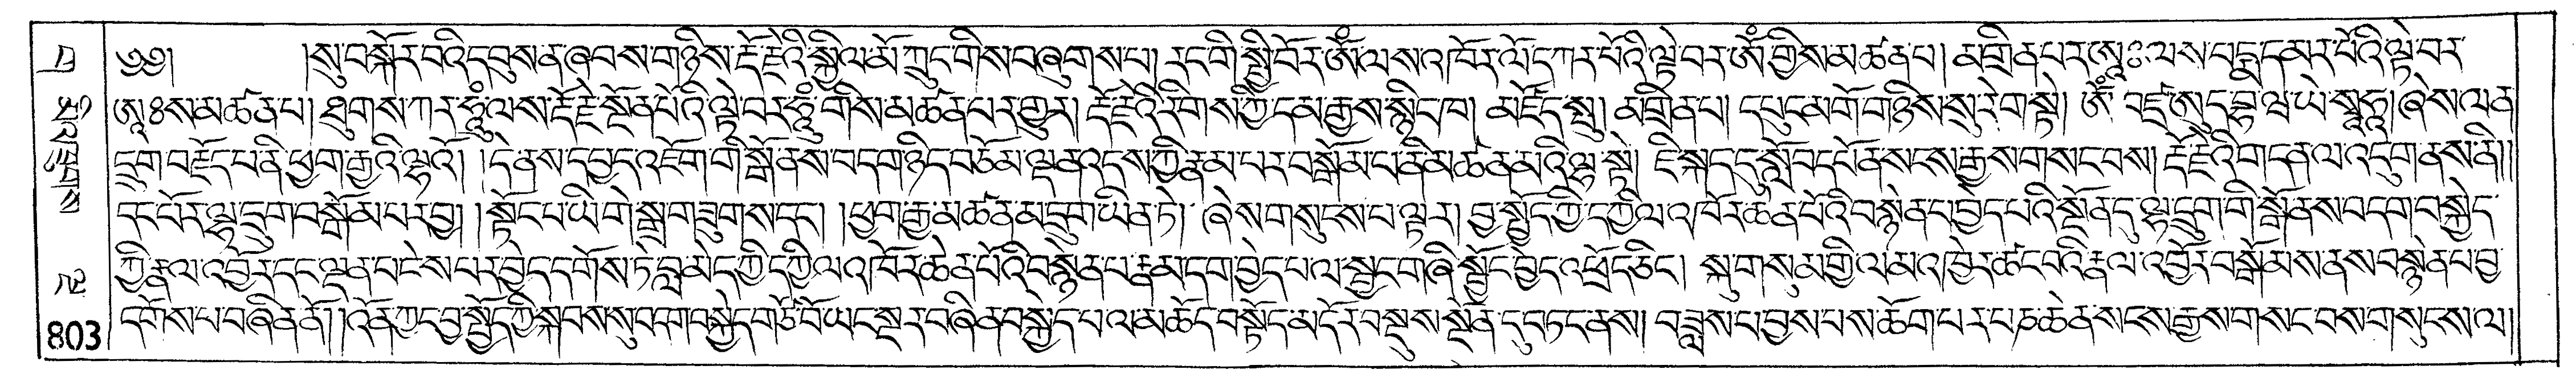༄༅། །སུ་བསྐོར་བའི་དབུས་ན་ཞབས་གཉིས་རྡོ་རྗེའི་སྐྱིལ་མོ་ཀྲུང་གིས་བཞུགས་པ། རང་གི་སྤྱི་བོར་ཨོཾ་ལས་འཁོར་ལོ་དཀར་པོའི་ལྟེ་བར་ཨོཾ་གྱིས་མཚན་པ། མགྲིན་པར་ཨཱཿ ལས་པདམ་དམར་པོའི་ལྟེ་བར་
ཨཱཿ ས་མཚན་པ། ཐུགས་ཀར་ཧཱུཾ་ལས་རྡོ་རྗེ་སྔོན་པོའི་ལྟེ་བར་ཧཱུཾ་གིས་མཚན་པར་གྱུར། རྡོ་རྗེའི་རིགས་ཀྱི་དམ་རྒྱས་སྙིང་ཁ། མཛོད་སྤུ། མགྲིན་པ། དཔུང་མགོ་གཉིས་སུ་རེག་སྟེ། ཨོཾ་བཛྲ་ཨུད་བྷ་ཝ་ཡེ་སྭཱཧཱ། ཞེས་ལན་
དྲུག་བརྗོད་པ་ནི་ཕྱག་རྒྱའི་ལྷའོ། །དེ་ནས་དཔྱད་འཇོག་གི་སྒོ་ནས་བདག་ཉིད་བཅོམ་ལྡན་འདས་ཀྱི་རྣམ་པར་བསྒོམ་པ་ནི་མཚན་མའི་ལྷ་སྟེ། ཇི་སྐད་དུ་སློབ་དཔོན་སངས་རྒྱས་གསང་བས། རྡོ་རྗེའི་གདན་ལ་འདུག་ནས་ནི།།
དང་པོར་ལྷ་དྲུག་བསྒོམ་པར་བྱ། །སྟོང་པ་ཡི་གེ་སྒྲ་གཟུགས་དང་། །ཕྱག་རྒྱ་མཚན་མ་དྲུག་ཡིན་ཏེ། ཞེས་གསུངས་པ་ལྟར། བྱ་སྤྱོད་ཀྱི་དཀྱིལ་འཁོར་ཆེན་པོའི་བསྙེན་པ་བྱེད་པའི་སྔོན་དུ་ལྷ་དྲུག་གི་སྒོ་ནས་བདག་བསྐྱེད་
ཀྱི་རྣལ་འབྱོར་དང་ལྡན་པ་ངེས་པར་བྱེད་དགོས་ཏེ་བླ་མེད་ཀྱི་དཀྱིལ་འཁོར་ཆེན་པོའི་བསྙེན་པ་རྣམ་དག་བྱེད་པ་ལ་སྦྱང་གཞི་སྦྱོང་བྱེད་འཕྲོད་ཅིང་། སྐུ་གསུམ་གྱི་ལམ་འཁྱེར་ཚང་བའི་རྣལ་འབྱོར་བསྒོམས་ནས་བསྙེན་པ་བྱ་
དགོས་པ་བཞིན་ནོ། །འོན་ཀྱང་བྱ་སྤྱོད་ཀྱི་སྐབས་སུ་བདག་བསྐྱེད་གཙོ་བོ་ཡང་སྔར་བཞིན་བསྐྱེད་པ་ལ་མཆོད་བསྟོད་མདོར་བསྡུས་སྔོན་དུ་བཏང་ནས། བཟླས་པ་བྱས་པས་ཆོག་པར་པཎ་ཆེན་སངས་རྒྱས་གསང་བས་གསུངས་ལ།